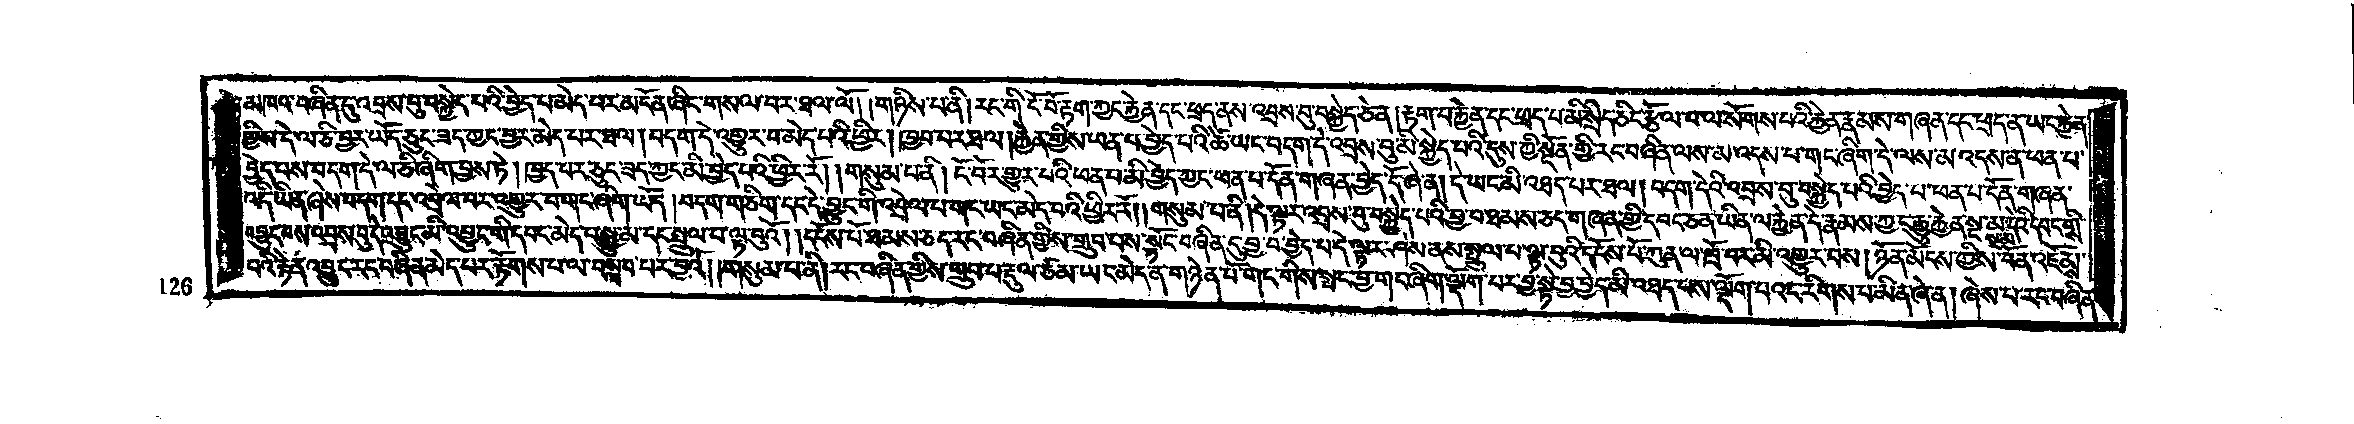མཁའ་བཞིན་དུ་འབྲས་བུ་བསྐྱེད་པའི་བྱེད་པ་མེད་པར་མངོན་ཞིང་གསལ་བར་ཐལ་ལོ། །གཉིས་པ་ནི། རང་གི་ངོ་བོ་རྟག་ཀྱང་རྐྱེན་དང་ཕྲད་ནས་འབྲས་བུ་བསྐྱེད་ཅེ་ན། རྟག་པ་རྐྱེན་དང་ཕྲད་པ་མི་སྲིད་ཅིང་རྩོལ་བ་ལ་སོགས་པའི་རྐྱེན་རྣམས་གཞན་དང་ཕྲད་ན་ཡང་རྐྱེན་
གྱིས་དེ་ལ་ཅི་བྱར་ཡོད་ཅུང་ཟད་ཀྱང་བྱར་མེད་པར་ཐལ། བདག་དེ་འགྱུར་པ་མེད་པའི་ཕྱིར། ཁྱབ་པར་ཐལ། རྐྱེན་གྱིས་ཕན་པ་བྱེད་པའི་ཚེ་ཡང་བདག་དེ་འབྲས་བུ་མི་སྐྱེད་པའི་དུས་ཀྱི་སྔོན་གྱི་རང་བཞིན་ལས་མ་འདས་པ་གང་ཞིག་དེ་ལས་མ་འདས་ན་ཕན་པ་
བྱེད་པས་བདག་དེ་ལ་ཅི་ཞིག་བྱས་ཏེ། ཁྱད་པར་ཅུང་ཟད་ཀྱང་མི་བྱེད་པའི་ཕྱིར་རོ། །གསུམ་པ་ནི། ངོ་བོར་གྱུར་པའི་ཕན་པ་མི་བྱེད་ཀྱང་ཕན་པ་དོན་གཞན་བྱེད་དོ་ཞེ་ན། དེ་ཡང་མི་འཐད་པར་ཐལ། བདག་དེའི་འབྲས་བུ་བསྐྱེད་པའི་བྱེད་པ་ཕན་པ་དོན་གཞན་
འདི་ཡིན་ཞེས་བདག་དང་འབྲེལ་བར་འགྱུར་བ་གང་ཞིག་ཡོད། བདག་གཅིག་དང་དེ་བྱུང་གི་འབྲེལ་པ་གང་ཡང་མེད་པའི་ཕྱིར་རོ། །གསུམ་པ་ནི། དེ་ལྟར་འབྲས་བུ་བསྐྱེད་པའི་བྱ་བ་ཐམས་ཅད་གཞན་གྱི་དབང་ཅན་ཡིན་ལ་རྐྱེན་དེ་རྣམས་ཀྱང་རྒྱུ་རྐྱེན་ལྔ་མ་སྔ་མ་དེའི་དབང་གིས་
འབྱུང?་བས་འབྲས་བུ་དེ་འབྱུང་མི་འབྱུང་གི་དབང་མེད་པ་སྒྱུ་མ་དང་སྤྲུལ་པ་ལྟ་བུའོ། །དངོས་པོ་ཐམས་ཅད་རང་བཞིན་གྱིས་གྲུབ་པས་སྟོང་བཞིན་དུ་བྱ་བ་བྱེད་པ་དེ་ལྟར་ཤེས་ནས་སྤྲུལ་པ་ལྟ་བུའི་དངོས་པོ་ཀུན་ལ་ཁྲོ་བར་མི་འགྱུ་བས། ཉོན་མོངས་ཀྱིས་བོན་འཇོམས་
པའི་རྟེན་འབྱུང་རང་བཞིན་མེད་པར་རྟོགས་པ་ལ་བསླབ་པར་བྱའོ། །གསུམ་པ་ནི། རང་བཞིན་གྱིས་གྲུབ་པ་རྡུལ་ཙམ་ཡང་མེད་ན་གཉེན་པོ་གང་གིས་སྤང་བྱ་གང་ཞིག་ལྡོག་པར་བྱ་སྟེ་བྱ་བྱེད་མི་འཐད་པས་ལྡོག་པའང་རིགས་པ་མིན་ཞེ་ན། ཞེས་པ་རང་བཞིན་